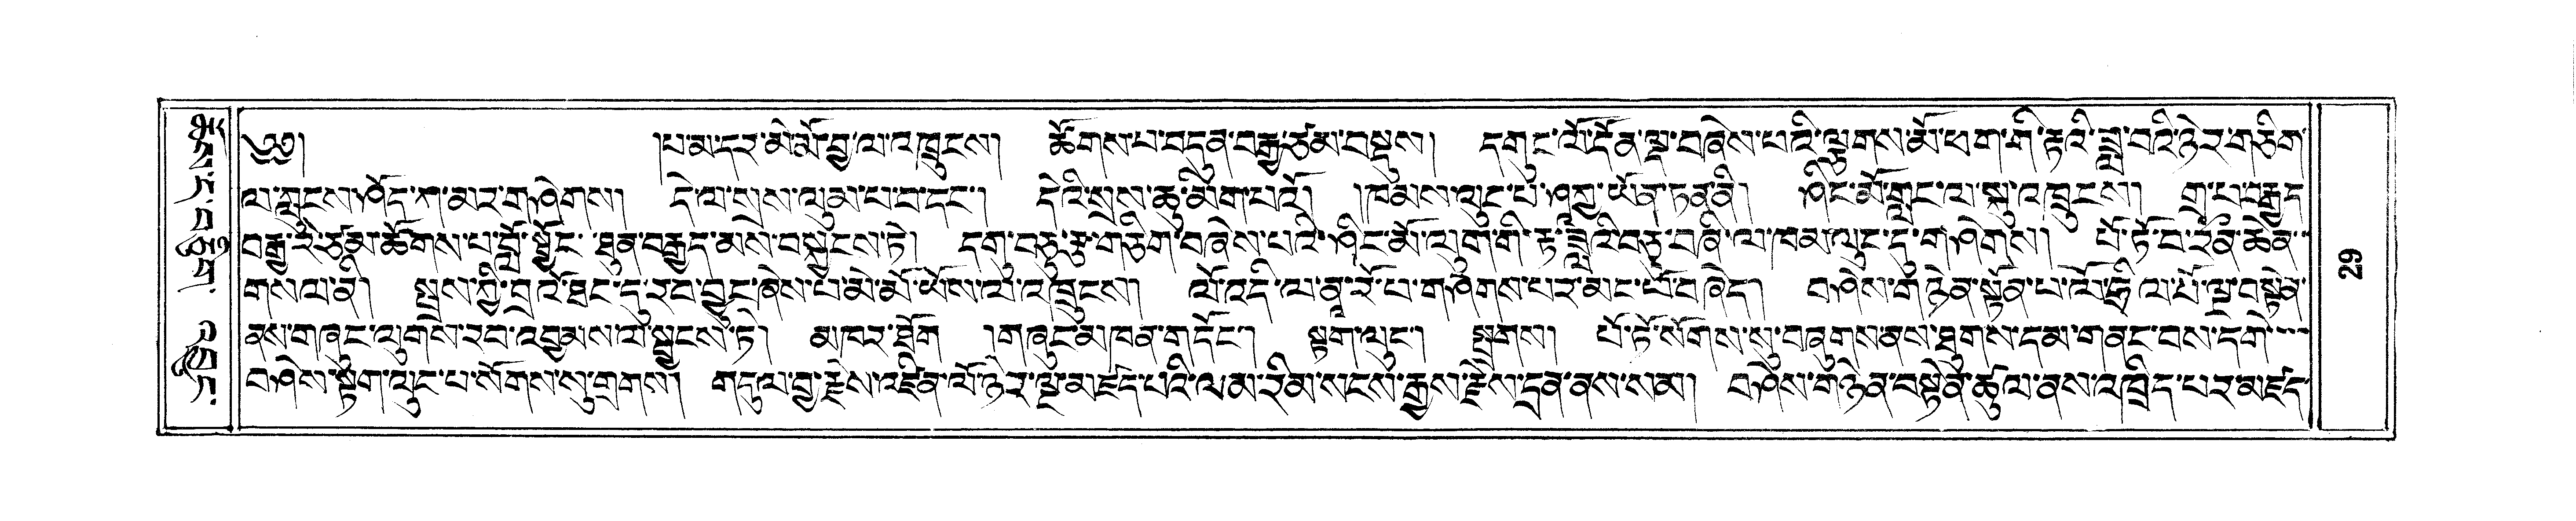༄༅། །པ་མ་དར་མེ་མོ་བྱ་ལ་འཁྲུངས། ཚོགས་པ་བདུན་བརྒྱ་ཙམ་བསྡུས། དགུང་ལོ་དོན་ལྔ་བཞེས་པའི་ལྕགས་མོ་ཕག་གི་རྟའི་ཟླ་བའི་ཉེར་གཅིག་
ལ་ཀླུངས་ཤོད་ཀ་མར་གཤེགས། དེ་ལ་སྲས་ལུམ་པ་བ་དང་། དེའི་སྲས་ཆུ་མིག་པའོ། །ཁམས་ལུང་པ་ཤཱཀྱ་ཡོན་ཏན་ནི། ཤིང་མོ་གླང་ལ་སྐུ་འཁྲུངས། གྲྭ་པ་བརྒྱད་
བརྒྱ་རི་ཙམ་ཚོགས་པ་བློ་སྦྱོང་ཐུན་བརྒྱད་མས་བསྐྱངས་ཏེ། དགུ་བཅུ་རྩ་གཅིག་བཞེས་པའི་ཤིང་མོ་ལུག་གི་རྟ་ཟླའི་བཅུ་བཞི་ལ་ཁམ་ལུང་དུ་གཤེགས། པོ་ཏོ་བ་རྀན་ཆེན་
གསལ་ནི། སྤྲས་ཀྱི་བྲའོ་ཐང་དུ་རབ་བྱུང་ཞེས་པ་མེ་མོ་ཡོས་ལ་འཁྲུངས། ལོ་འདི་ལ་ནཱ་རོ་པ་གཤེགས་པར་མང་པོ་བཞེད། བཤེས་གཉེན་སྟོན་པ་ལོ་ཧྲིལ་པོ་ལྔ་བསྟེན་
ནས་གཞུང་ལུགས་རབ་འབྱམས་ལ་སྦྱངས་ཏེ། མཁར་ཐོག །གཞུང་མཁན་གདོང་། སྟག་ལུང་། སྤྲགས། པོ་ཏོ་སོགས་སུ་བཞུགས་ནས་ཐུགས་དམ་གནང་བས་དགེ་
བཤེས་སྟག་ལུང་པ་སོགས་སུ་གྲགས། གདུལ་བྱ་རྗེས་འཛིན་ལོ་ཉེར་ལྔ་མཛད་པའི་ལམ་རིམ་སངས་རྒྱས་རྗེས་དྲན་ནས་སམ། བཤེས་གཉེན་བསྟེན་ཚུལ་ནས་འཁྲིད་པར་མཛད་